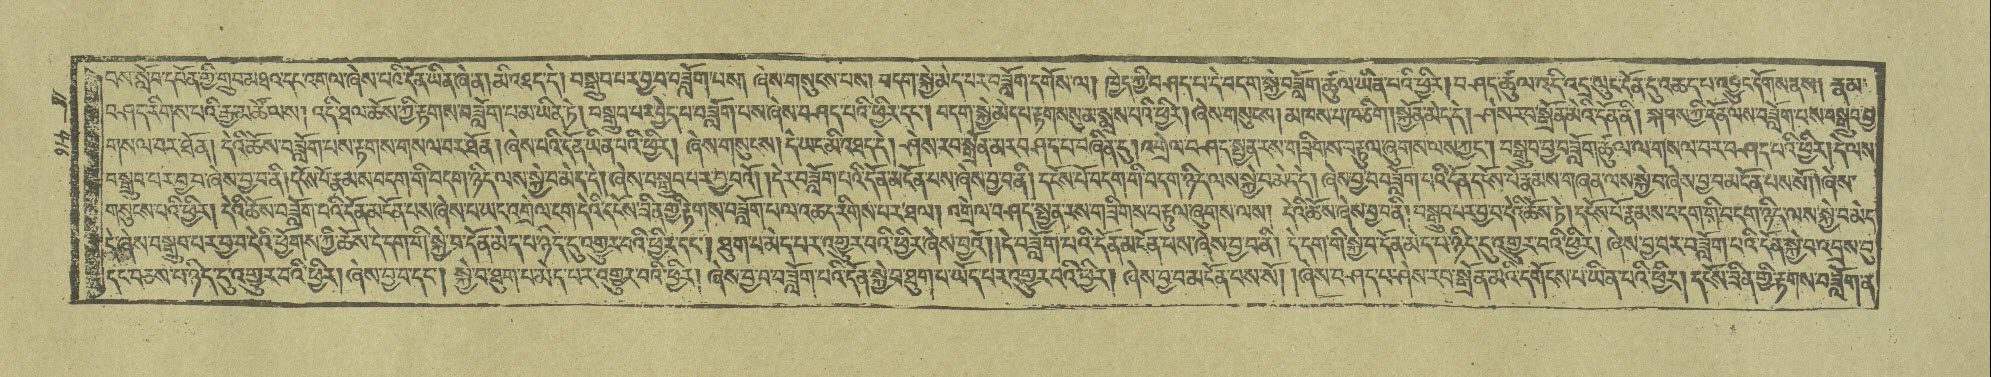བས་སློབ་དཔོན་གྱི་གྲུབ་མཐའ་དང་འགལ་ཞེས་པའི་དོན་ཡིན་ཞེ་ན། མི་འཐད་དེ། བསྒྲུབ་པར་བྱ་བ་བཟློག་པས། ཞེས་གསུངས་པས། བདག་སྐྱེ་མེད་པར་བཟློག་དགོས་ལ། ཁྱེད་ཀྱི་བཤད་པ་དེ་བདག་སྐྱེ་བཟློག་ཚུལ་ཡིན་པའི་ཕྱིར། བཤད་ཚུལ་འདི་འདྲ་ལུང་དོན་དུ་འཆད་པ་འབྱུང་དོགས་ནས། རྣམ་
བཤད་རིགས་པའི་རྒྱ་མཚོ་ལས། འདེ་ཐལ་ཆོས་ཀྱི་རྟགས་བཟློག་པ་མ་ཡིན་ཏེ། བསྒྲུབ་པར་བྱེད་པ་བཟློག་པས་ཞེས་བཤད་པའི་ཕྱིར་དང་། བདག་སྐྱེ་མེད་པ་རྟགས་སུ་མ་སྨྲས་པའི་ཕྱིར། ཞེས་གསུངས། མཁས་པ་ཁ་ཅིག །སྐྱོན་མེད་དེ། ཤེས་རབ་སྒྲོན་མེའི་དོན་ནི། སྐབས་ཀྱི་དོན་ལས་བཟློག་པས་བསྒྲུབ་བྱ་
གསལ་བར་ཐོན། དེའི་ཆོས་བཟློག་པས་རྟགས་གསལ་བར་ཐོན། ཞེས་པའི་དོན་ཡིན་པའི་ཕྱིར། ཞེས་གསུངས། དེ་ཡང་མི་འཐད་དེ། ཤེས་རབ་སྒྲོན་མར་བཤད་པ་བཞིན་དུ། འགྲེལ་བཤད་སྤྱན་རས་གཟིགས་བརྟུལ་ཞུགས་ལས་ཀྱང་། བསྒྲུབ་བྱ་བཟློག་ཚུལ་ལ་གསལ་བར་བཤད་པའི་ཕྱིར། དེ་ལས་
བསྒྲུབ་པར་བྱ་བ་ཞེས་བྱ་བ་ནི། དངོས་པོ་རྣམས་བདག་གི་བདག་ཉིད་ལས་སྐྱེ་བ་མེད་དེ། ཞེས་བསྒྲུབ་པར་བྱ་བའོ། །དེར་བཟློག་པའི་དོན་མངོན་པས་ཞེས་བྱ་བ་ནི། དངོས་པོ་བདག་གི་བདག་ཉིད་ལས་སྐྱེ་བ་མེད་དེ། ཞེས་བྱ་བ་བཟློག་པའི་དོན་དངོས་པོ་རྣམས་གཞན་ལས་སྐྱེ་བ་ཞེས་བྱ་བ་མངོན་པས་སོ། །ཞེས་
གསུངས་པའི་ཕྱིར། དེའི་ཆོས་བཟློག་པའི་དོན་མངོན་པས་ཞེས་པ་ཡང་འགྲེལ་ངག་དེའི་དངོས་ཟིན་གྱི་རྟགས་བཟློག་པ་ལ་འཆད་རིགས་པར་ཐལ། འགྲེལ་བཤད་སྤྱན་རས་གཟིགས་བརྟུལ་ཞུགས་ལས། དེའི་ཆོས་ཞེས་བྱ་བ་ནི། བསྒྲུབ་པར་བྱ་བ་དེའི་ཆོས་ཏེ། དངོས་པོ་རྣམས་བདག་གི་བདག་ཉིད་ལས་སྐྱེ་བ་མེད་
དེ་ཞེས་བསྒྲུབ་པར་བྱ་བ་དེའི་ཕྱོགས་ཀྱི་ཆོས་དེ་དག་གི་སྐྱེ་བ་དོན་མེད་པ་ཉིད་དུ་འགྱུར་བའི་ཕྱིར་དང་། ཐུག་པ་མེད་པར་འགྱུར་བའི་ཕྱིར་ཞེས་བྱའོ། །དེ་བཟློག་པའི་དོན་མངོན་པས་ཞེས་བྱ་བ་ནི། དེ་དག་གི་སྐྱེ་བ་དོན་མེད་པ་ཉིད་དུ་འགྱུར་བའི་ཕྱིར། ཞེས་བྱ་བར་བཟློག་པའི་དོན་སྐྱེ་བ་འབྲས་བུ་
དང་བཅས་པ་ཉིད་དུ་འགྱུར་བའི་ཕྱིར། ཞེས་བྱ་བ་དང་། སྐྱེ་བ་ཐུག་པ་མེད་པར་འགྱུར་བའི་ཕྱིར། ཞེས་བྱ་བ་བཟློག་པའི་དོན་སྐྱེ་བ་ཐུག་པ་ཡོད་པར་འགྱུར་བའི་ཕྱིར། ཞེས་བྱ་བ་མངོན་པས་སོ། །ཞེས་བཤད་པ་ཤེས་རབ་སྒྲོན་མའི་དགོངས་པ་ཡིན་པའི་ཕྱིར། དངོས་ཟིན་གྱི་རྟགས་བཟློག་ན་